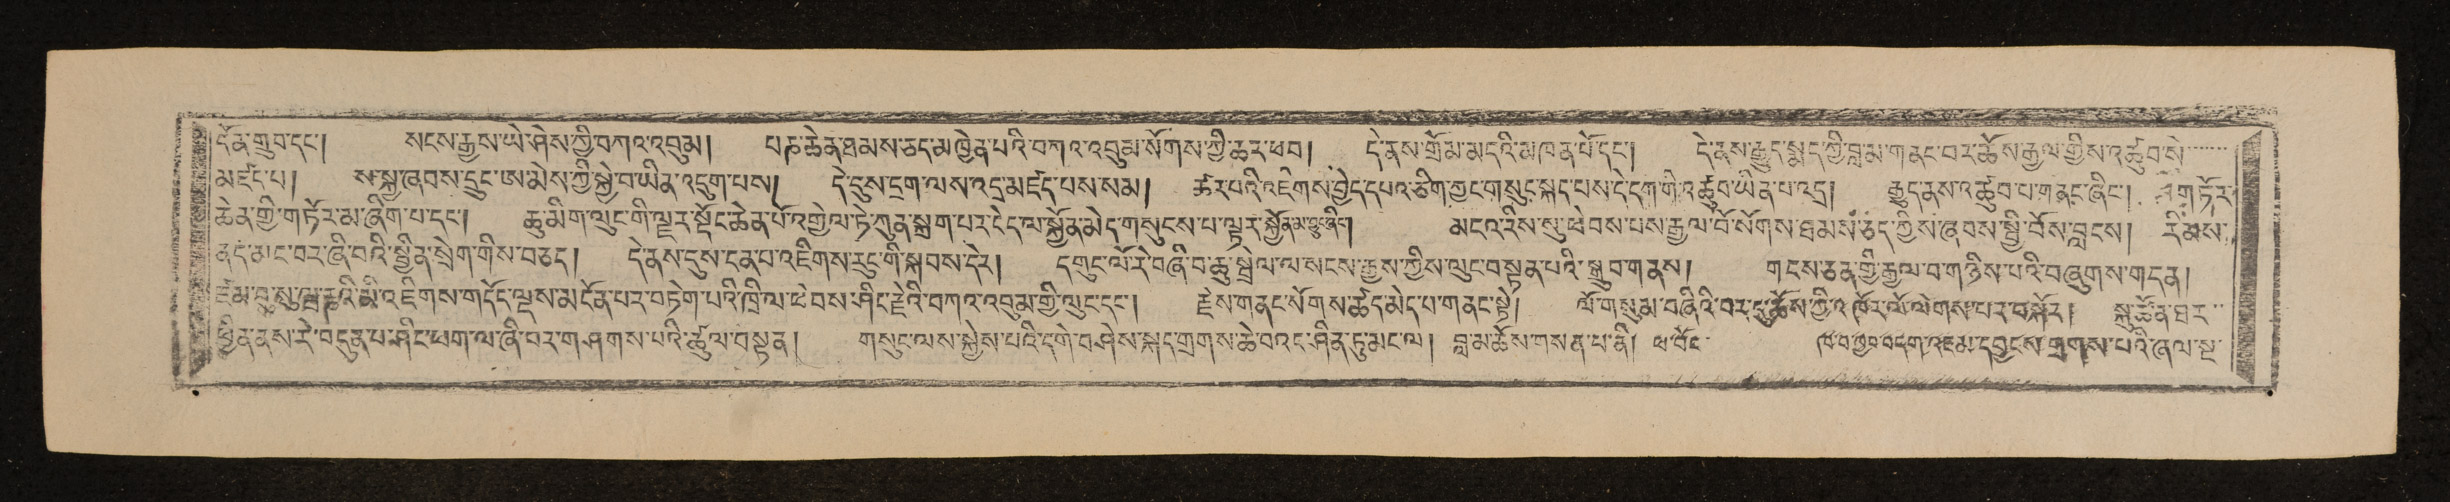དོན་གྲུབ་དང་། སངས་རྒྱས་ཡེ་ཤེས་ཀྱི་བཀའ་འབུམ། པཎ་ཆེན་ཐམས་ཅད་མཁྱེན་པའི་བཀའ་འབུམ་སོགས་ཀྱི་ཆར་ཕབ། དེ་ནས་གྲོམ་མདའི་མཁན་པོ་དང་། དེ་ནས་རྒྱུད་སྨད་ཀྱི་བླ་མ་གནང་བར་ཆོས་རྒྱལ་གྱིས་འཚུབ་སེ་
མཛད་པ། ས་སྐྱ་ཞབས་དྲུང་ཨ་མེས་ཀྱི་སྐྱེ་བ་ཡིན་འདུག་པས། དེ་དུས་དྲག་ལས་འདྲ་མཛད་པས་སན། ཚང་པའི་འཇིགས་བྱེད་དཔའ་ཅིག་ཀྱང་གསུང་སྐད་པས་དེ་དག་གི་འཚུབ་ཡིན་པ་འདྲ། རྒྱུད་ནས་འཚུབ་པ་གནང་ཞིང་། གཏོར་
ཆེན་གྱི་གཏོར་མ་ཞིག་པ་དང་། ཆུ་མིག་ལུང་གི་ལྗང་སྡོང་ཆེན་པོ་འགྱེལ་ཏེ་ཀུན་སྐྲག་པར་ངེད་ལ་སྐྱོན་མེད་གསུངས་པ་ལྟར་སྐྱོན་མ་བྱུང་ཞིང་། མངའ་རིས་སུ་ཕེབས་བས་རྒྱལ་པོ་སོགས་ཐམས་ཅད་ཀྱིས་ཞབས་སྤྱི་བོས་བླངས། རིམས་
ནད་མང་བར་ཞི་བའི་སྦྱིན་སྲེག་གིས་བཅད། དེ་ནས་དུས་ངན་བ་འཇིགས་རུང་གི་སྐབས་དེར། དགུང་ལོ་རེ་བཞི་པ་ཆུ་སྤྲེལ་ལ་སངས་རྒྱས་ཀྱིས་ལུང་བསྟན་པའི་སྒྲུབ་གནས། གངས་ཅན་གྱི་རྒྱལ་བ་གཉིས་པའི་བཞུགས་གདན།
ཛམ་བུ་སུ་ཝརྞའི་མི་འཇིགས་གདོང་ལྔས་མངོན་པར་བཏེག་པའི་ཁྲི་ལ་ཕེབས་ཤིང་རྗེའི་བཀའ་འབུམ་གྱི་ལུང་དང་། རྗེས་གནང་སོགས་ཙད་མེད་པ་གནང་སྟེ། ལོ་གསུམ་བཞིའི་བར་དུ་ཆོས་ཀྱི་འཁོར་ལོ་ལེགས་བར་བསྐོར། སྐུ་ཚེ་མཐར་
ཕྱིན་ནས་རེ་བདུན་པ་ཤིང་ཕག་ལ་ཞི་བར་གཤགས་པའི་ཚུལ་བསྟན། གསུང་ལས་སྐྱེས་པའི་དགེ་བཤེས་སྐད་གྲགས་ཆེ་བའང་ཤིན་ཏུ་མང་ལ། བླ་མ་ཆོས་གསན་པ་ནི། ཕ་བོང་ཁབ་ཁྱབ་བདག་འཇམ་དབྱངས་གྲགས་པའི་ཞལ་དང་